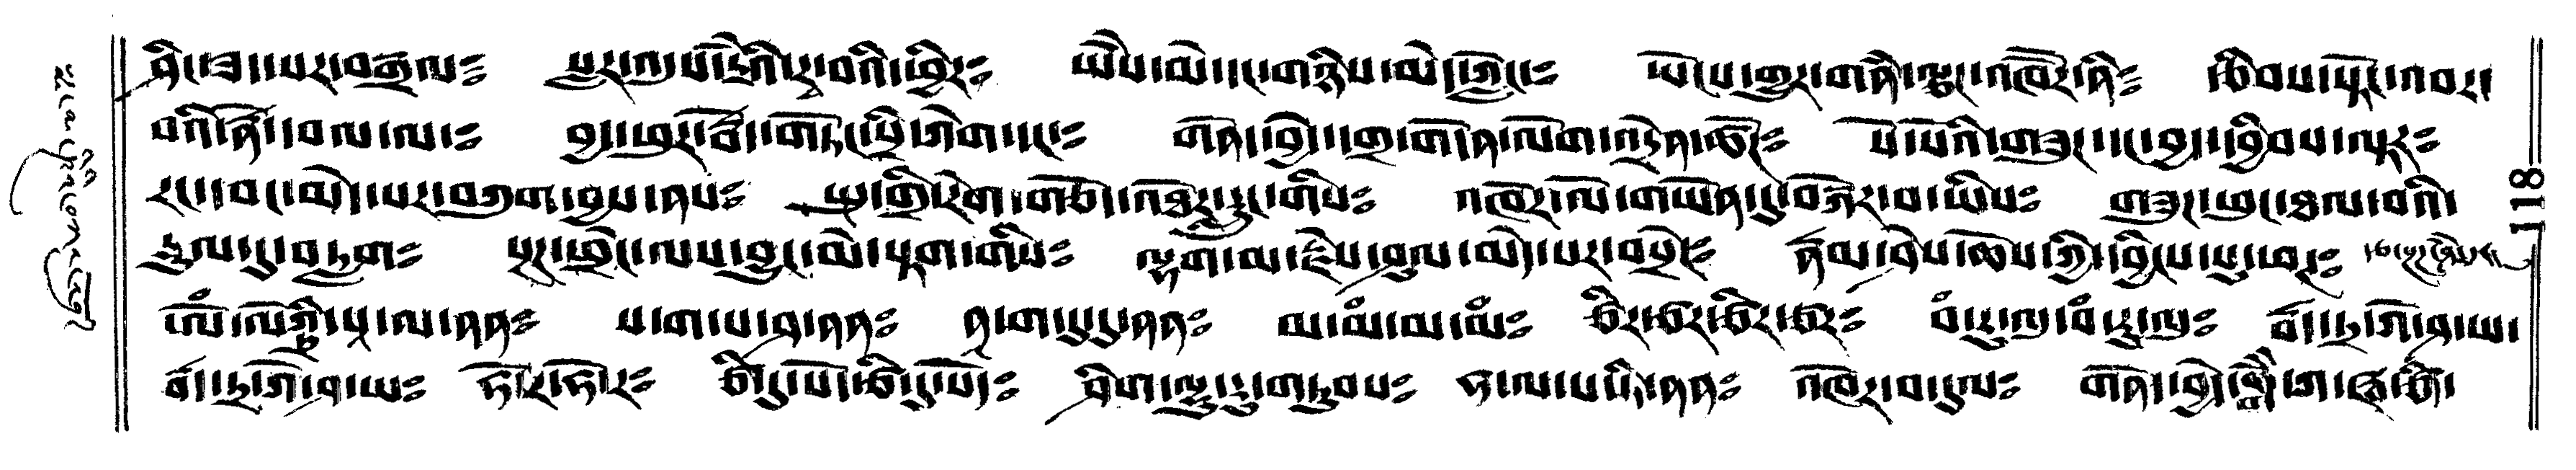ཤིང་ཟ་པར་བསྒྲལ༔ སླར་འདུས་རྡོ་རྗེའི་རྭ་བའི་ཕྱིར༔ ཡེ་ཤེས་མེ་དང་གཉིས་མེད་ཀློང༔ ཡོངས་གྱུར་གནམ་ལྕགས་འཁོར་ལོ་ནི༔ རྩིབས་སྟོང་འབར་
བའི་རྣོ་དབལ་ལ༔ བྱད་ཕུར་རྦོད་གཏོང་སྲི་ཀེག་དང༔ གནོད་བྱེད་དགྲ་གདོན་ལོག་འདྲེན་ཚོགས༔ སོ་སོའི་གཟུགས་དང་བྱད་དབྱིབས་ལྔར༔ 
རང་དབང་མེད་པར་བཀུག་བྱས་ནས༔ སྤུ་གྲི་རེག་གཅོད་འཐོར་རླུང་གིས༔ འཁོར་ལོ་གཡོན་དུ་བསྐོར་བ་ཡིས༔ གཟུགས་ཕུང་ཐལ་བའི་
རྡུལ་དུ་རློག༔ སྔགས་ཕྲེང་ལས་བྱུང་མེ་སྟག་གིས༔ ལྷག་མ་རྗེས་ཤུལ་མེད་པར་སྲེག༔ རྣམ་ཤེས་ཆོས་ཀྱི་དབྱིངས་སུ་ཕཊ༔ རྩ་སྔགས་གཤམ་བུར། 
ཨོཾ་ལོཀྟྲི་པཱ་ལ་ནན༔ ས་ག་པ་ཤ་ནན༔ ནཱ་ག་དུ་དུ་ནན༔ མ་མཾ་མ་མཾ༔ ཙིར་ཙར་ཙིར་ཙར༔ བཾ་རུ་ལུ་བཾ་རུ་ལུ༔ རྦད་ཏྲ་ཀོ་ཤ་ཡ་
རྦད་ཏྲ་ཀོ་ཤ་ཡ༔ ཧོ་ར་ཧོ་ར༔ ཙི་དུ་སོད་རྩི་དུ་སོད༔ ཤིག་ལྷུ་རུ་གཏུབས༔ ཧ་ལ་པ་ཏི་ནན༔ འཁོར་བ་དུལ༔ གནོད་བྱེད་ཆེ་གེ་མོ་ཀ་ཝ་ཙི་